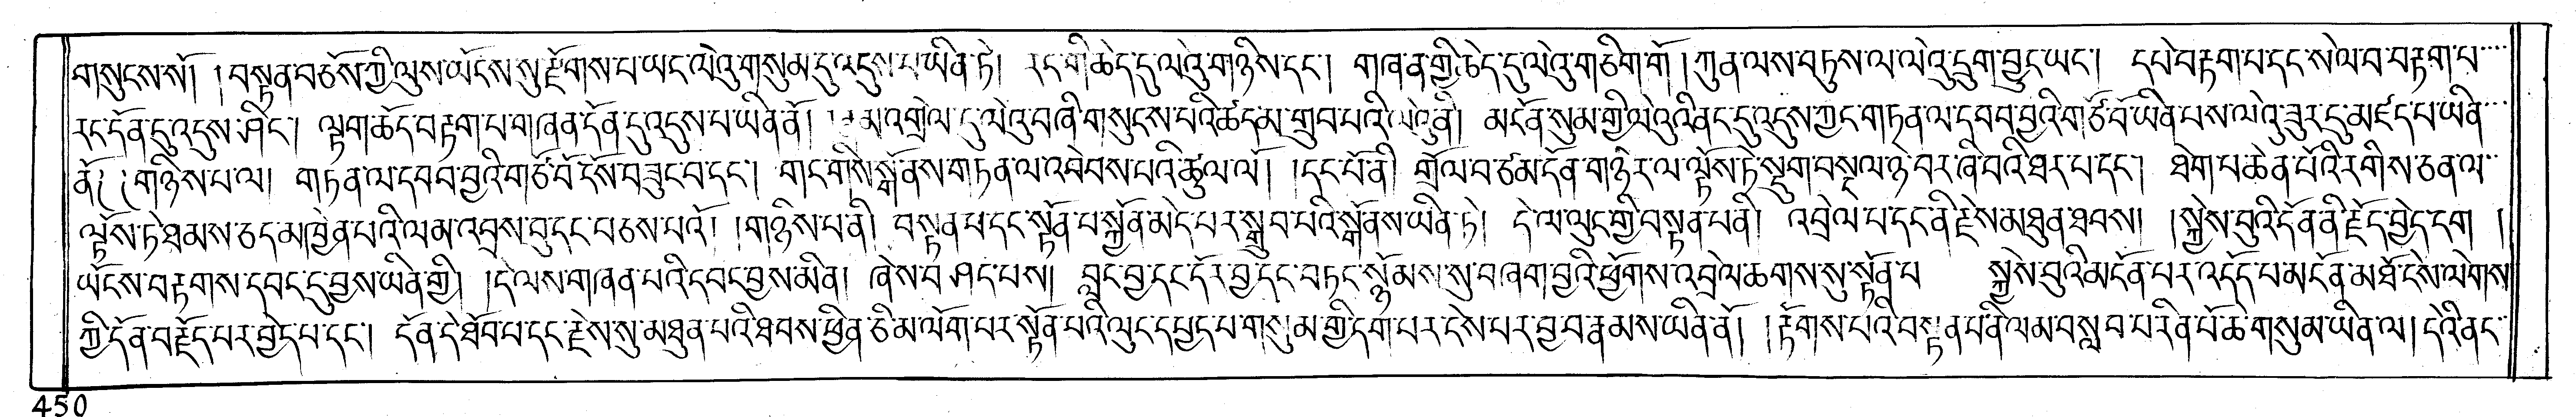གསུངས་སོ། །བསྟན་བཅོས་ཀྱི་ལུས་ཡོངས་སུ་རྫོགས་པ་ཡང་ལེའུ་གསུམ་དུ་འདུས་པ་ཡིན་ཏེ། རང་གི་ཆེད་དུ་ལེའུ་གཉིས་དང་། གཞན་གྱི་ཆེད་དུ་ལེའུ་གཅིག་གོ །ཀུན་ལས་བཏུས་ལ་ལེའུ་དྲུག་བྱུང་ཡང་། དཔེ་བརྟག་པ་དང་སེལ་བ་བརྟག་པ།
རང་དོན་དུ་འདུས་ཤིང་། ལྟག་ཆོད་བརྟག་པ་གཞན་དོན་དུ་འདུས་པ་ཡིན་ནོ། །རྣམ་འགྲེལ་དུ་ལེའུ་བཞི་གསུངས་པའི་ཚད་མ་གྲུབ་པའི་ལེའུ་ནི། མངོན་སུམ་གྱི་ལེའུའི་ནང་དུ་འདུས་ཀྱང་གཏན་ལ་དབབ་བྱའི་གཙོ་བོ་ཡིན་པས་ལེའུ་ཟུར་དུ་མཛད་པ་ཡིན་
ནོ༑ ༑གཉིས་པ་ལ། གཏན་ལ་དབབ་བྱའི་གཙོ་བོ་ངོས་བཟུང་བ་དང་། གང་གིས་སྒོ་ནས་གཏན་ལ་འབེབས་པའི་ཚུལ་ལོ། །དང་པོ་ནི། གྲོལ་བ་ཙམ་དོན་གཉེར་ལ་ལྟོས་ཏེ་སྡུག་བསྔལ་ཉེ་བར་ཞི་བའི་ཐར་པ་དང་། ཐེག་པ་ཆེན་པོའི་རིགས་ཅན་ལ་
ལྟོས་ཏེ་ཐམས་ཅད་མཁྱེན་པའི་ལམ་འབྲས་བུ་དང་བཅས་པའོ། །གཉིས་པ་ནི། བསྟན་པ་དང་སྟོན་པ་སྐྱོན་མེད་པར་སྒྲུབ་པའི་སྒོ་ནས་ཡིན་ཏེ། དེ་ལ་ལུང་གི་བསྟན་པ་ནི། འབྲེལ་པ་དང་ནི་རྗེས་མཐུན་ཐབས། །སྐྱེས་བུའི་དོན་ནི་རྗོད་བྱེད་ངག །
ཡོངས་བརྟགས་དབང་དུ་བྱས་ཡིན་གྱི། །དེ་ལས་གཞན་པའི་དབང་བྱས་མིན། ཞེས་བཤད་པས། བླང་བྱ་དང་དོར་བྱ་དང་བཏང་སྙོམས་སུ་བཞག་བྱའི་ཕྱོགས་འབྲེལ་ཆགས་སུ་སྟོན་པ་དང་། སྐྱེས་བུའི་མངོན་པར་འདོད་པ་མངོན་མཐོ་ངེས་ལེགས་
ཀྱི་དོན་བརྗོད་པར་བྱེད་པ་དང་། དོན་དེ་ཐོབ་པ་དང་རྗེས་སུ་མཐུན་པའི་ཐབས་ཕྱིན་ཅི་མ་ལོག་པར་སྟོན་པའི་ལུང་དཔྱད་པ་གསུམ་གྱི་དག་པར་ངེས་པར་བྱ་བ་རྣམས་ཡིན་ནོ། །རྟོགས་པའི་བསྟན་པ་ནི་ལམ་བསླབ་པ་རིན་པོ་ཆེ་གསུམ་ཡིན་ལ། དེའི་ནང་